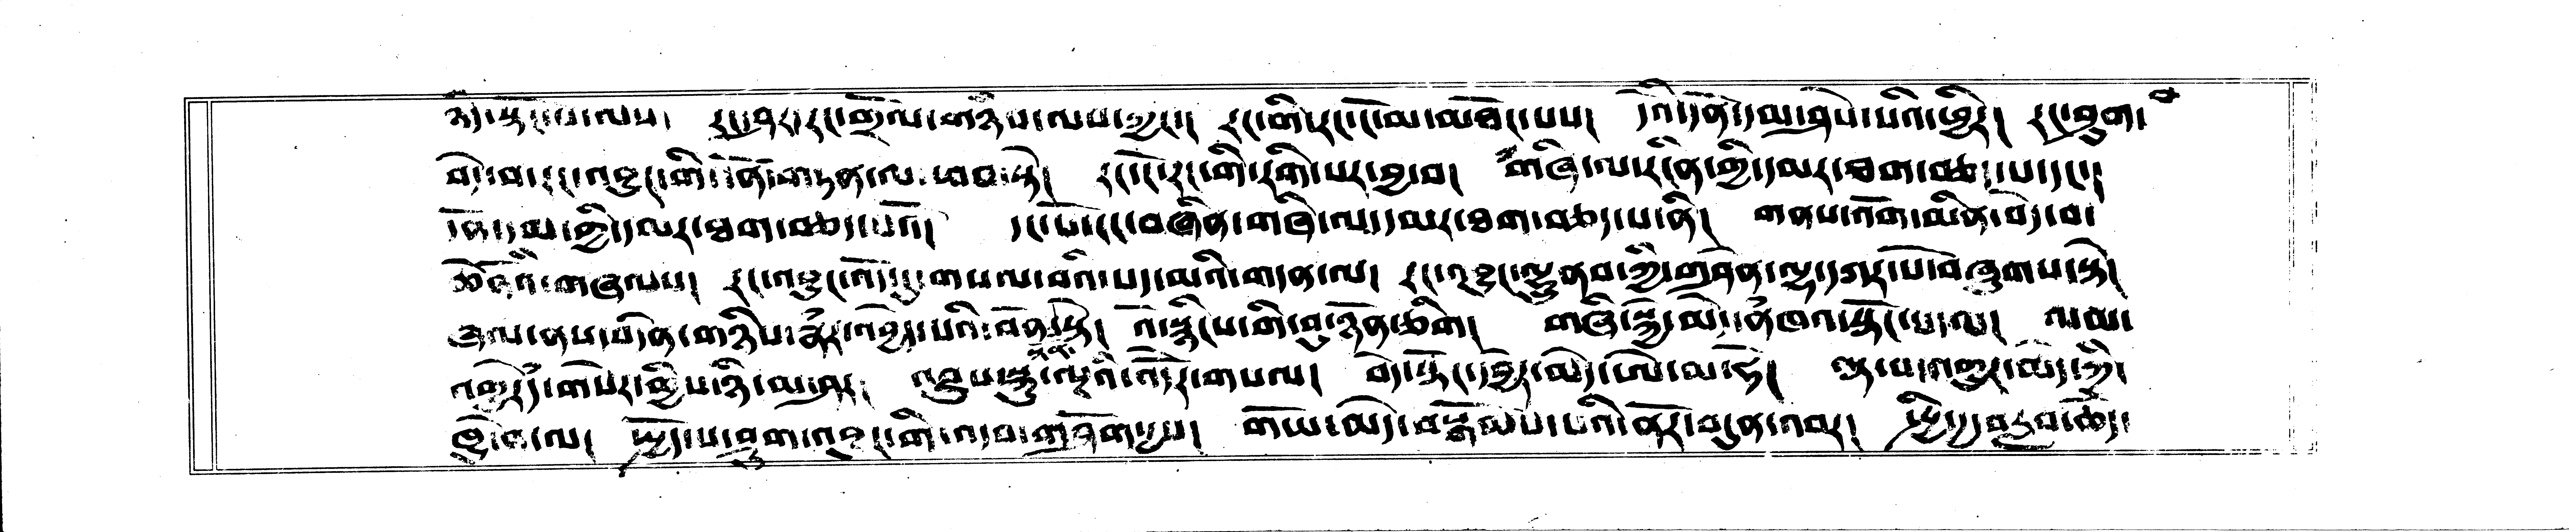ཉིད་སྟོང་པ་ལས། རང་ཤར་རང་གྲོལ་གཉིས་ལས་ཀྱང་། རང་གི་རང་ངོ་མ་མཐོང་བས། དེའི་དོན་དམ་ཤེས་པའི་ཕྱིར། རང་ཤུགས་
བདེ་བ་རང་འབྱུང་གི་དོན་གཏན་ལ་ཕབ་སྟེ། རང་ངོ་རང་གིས་རིག་པར་བྱ་བ། གཞི་ལ་རང་བཞིན་གྱིས་དམར་ཐག་བཅད་པ་དང་། 
དོན་དམ་གྱི་དམར་ཐག་བཅད་པའོ། །དང་པོ་རང་བཞིན་གཞི་ལ་དམར་ཐག་བཅད་པ་ནི། གནས་འོག་མིན་བདེ་བ་
ཆེན་པོའི་གཞལ་ཡས། རང་འབྱུང་འོད་དུ་གསལ་བའི་པད་མའི་གདན་ལ། རང་བྱུང་ལྷུན་གྲུབ་ཀྱི་གཤེན་ལྷ་དཀར་པོ་བཞུགས་ཏེ། 
ཞལ་ནས་བདེན་གཉིས་རྣམ་པར་འབྱེད་པའི་བོན་སྟོན་ཏེ། འོ་སྙིང་གི་བུ་ཉོན་ཅིག གཞི་སྐྱེ་མེད་ནམ་མཁའ་སྟོང་པ་ལ། ལམ་
འགྱུར་མེད་གསེར་གྱི་ཉི་མ་ཤར། འབྲས་བུ་སྐུ་ལྔའི་འོད་ཟེར་གསལ། བདེ་སྟོང་དབྱེར་མེད་ཨེ་མ་ཧོ། ལྟ་བ་འགྱུར་མེད་ཀྱི་
ཁྱུང་ཆེན་ལ། སྤྱོད་པ་ཤུགས་འབྱུང་གི་འདབ་གཤོག་རྒྱས། གཡོ་མེད་བསྒོམ་པའི་ནོར་བདུན་འབར། སྤྱི་རྒྱ་རླབས་ཆོད་